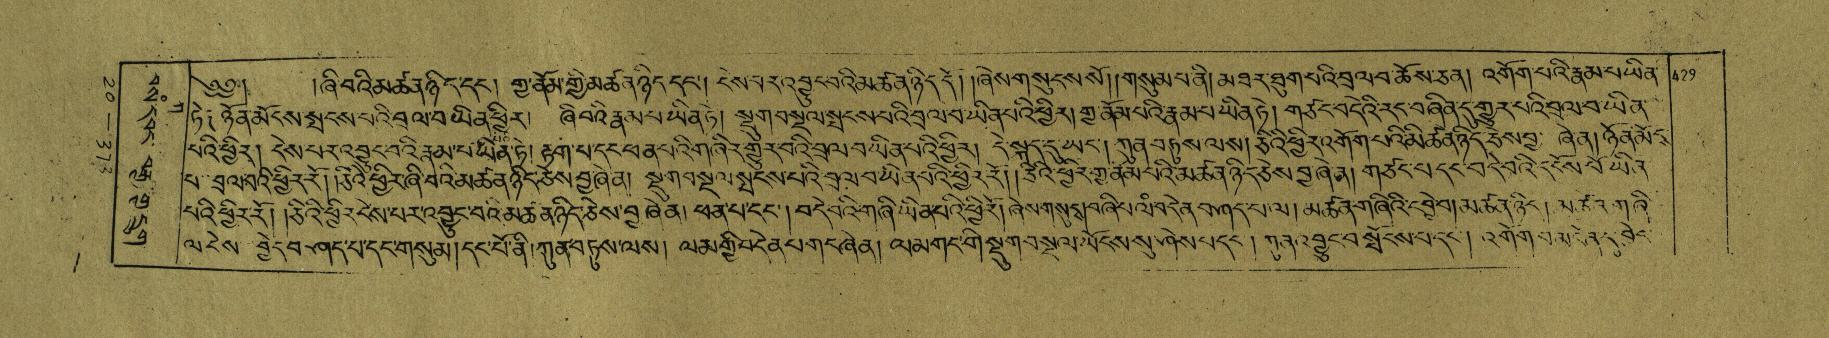༄༅། །ཞི་བའི་མཚན་ཉིད་དང་། གྱ་ནོམ་གྱི་མཚན་ཉིད་དང་། ངེས་པར་འབྱུང་བའི་མཚན་ཉིད་དོ། །ཞེས་གསུངས་སོ། །གསུམ་པ་ནི། མཐར་ཐུག་པའི་བྲལ་བ་ཆོས་ཅན། འགོག་པའི་རྣམ་པ་ཡིན་
ཏེ༑ ཉོན་མོངས་སྤངས་པའི་བྲལ་བ་ཡིན་པའི་ཕྱིར། ཞི་བའི་རྣམ་པ་ཡིན་ཏེ། སྡུག་བསྔལ་སྤངས་པའི་བྲལ་བ་ཡིན་པའི་ཕྱིར། གྱ་ནོམ་པའི་རྣམ་པ་ཡིན་ཏེ། གཙང་བདེའི་རང་བཞིན་དུ་གྱུར་པའི་བྲལ་བ་ཡིན་
པའི་ཕྱིར། ངེས་པར་འབྱུང་བའི་རྣམ་པ་ཡིན་ཏེ། རྟག་པ་དང་ཕན་པའི་གཞིར་གྱུར་བའི་བྲལ་བ་ཡིན་པའི་ཕྱིར། དེ་སྐད་དུ་ཡང་། ཀུན་བཏུས་ལས། ཅིའི་ཕྱིར་འགོག་པའི་མིཚན་ཉིད་ཅེས་བྱ་ཞེ་ན། ཉོན་མོངས་
པ་བྲལ་བའི་ཕྱིར་རོ། །ཅིའི་ཕྱིར་ཞི་བའི་མཚན་ཉིད་ཅེས་བྱ་ཞེ་ན། སྡུག་བསྔལ་སྤངས་པའི་བྲལ་བ་ཡིན་པའི་ཕྱིར་རོ། །ཅིའི་ཕྱིར་གྱ་ནོམ་པའི་མཚན་ཉིད་ཅེས་བྱ་ཞེ་ན། གཙང་པ་དང་བདེ་བའི་དངོས་པོ་ཡིན་
པའི་ཕྱིར་རོ། །ཅིའི་ཕྱིར་ངེས་པར་འབྱུང་བའི་མཚན་ཉིད་ཅེས་བྱ་ཞེ་ན། ཕན་པ་དང་། བདེ་བའི་གཞི་ཡིན་པའི་ཕྱིརོ། ཞེས་གསུངས། བཞི་པ་ལཾ་བདེན་བཤད་པ་ལ། མཚན་གཞིའི་དབྱེ་བ། མཚན་ཉིད། མཚན་གཞི་
ལ་ངེས་བྱེད་བཤད་པ་དང་གསུམ། དང་པོ་ནི། ཀུན་བཏུས་ལས། ལམ་གྱི་བདེན་པ་གང་ཞེ་ན། ལམ་གང་གི་སྡུག་བསྔལ་ཡོངས་སུ་ཤེས་པ་དང་། ཀུན་འབྱུང་བ་སྤོངས་པ་དང་། འགོག་བ་མངོན་དུ་བྱེད་